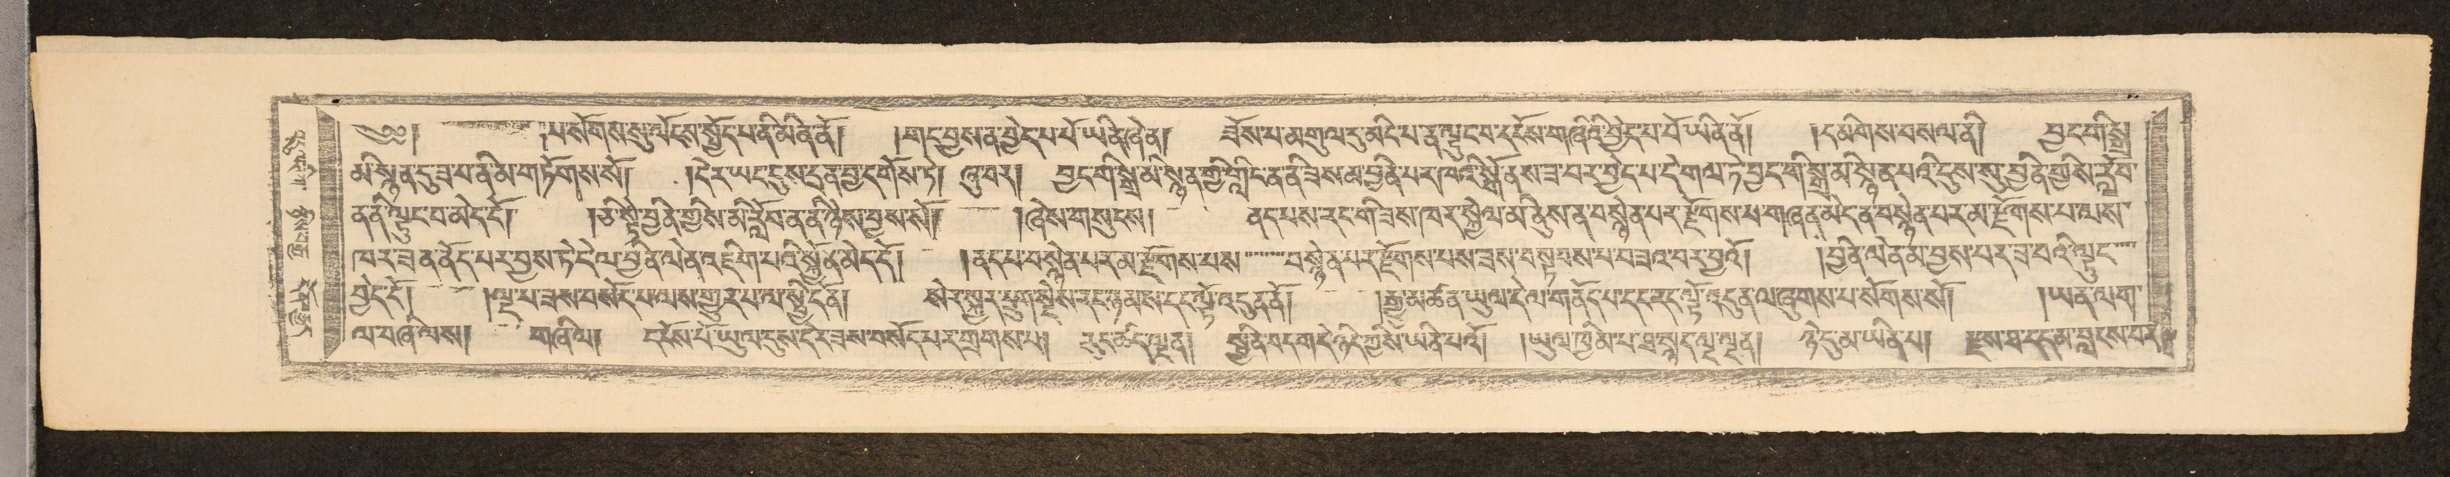༄༅། །བ་སོགས་སུ་ལོངས་སྤྱོད་པ་ནི་མིན་ནོ། །གང་བྱས་ན་བྱེད་པ་པོ་ཡིན་ཞེ་ན། ཟོས་པ་མགུལ་དུ་མིད་པ་ལ་ལྟུང་བ་དངོས་གཞིའི་བྱེད་པ་པོ་ཡིན་ནོ། །དམིགས་བསལ་ནི། བྱང་གི་སྒྲ་
མི་སྙན་དུ་ཟ་བ་ནི་མ་གཏོགས་སོ། །དེར་ཡང་དུས་དྲན་བྱ་དགོས་ཏེ། ཞུ་བར། བྱང་གི་སྒྲ་མི་སྙན་གྱི་གླིང་ན་ནི་ཟས་མ་བྱིན་བར་ཁའི་སྒོ་ནས་ཟ་བར་བྱེད་པར་གལ་ཏེ་བྱང་གི་སྒྲ་མི་སྙན་པའི་དུས་སུ་བྱིན་གྱིས་རློབ་
ན་ནི་ལྟུང་བ་མེད་དོ། །ཅི་སྟེ་བྱིན་གྱིས་མི་རློབ་ན་ནི་ཉེས་བྱས་སོ། །ཞེས་གསུངས། ནད་པས་རང་གི་ཟས་ཁར་སྐྱེལ་མི་ནུས་ན་བསྙེན་པར་རྫོགས་པ་གཞན་མེད་ན་བསྙེན་པར་མ་རྫོགས་པ་ལས་
ཁར་ཟན་ནོད་པར་བྱས་ཏེ་དེ་ལ་བྱིན་ལེན་འཇིག་པའི་སྐྱོན་མེད་དོ། །ནད་པ་བསྙེན་པར་མ་རྫོགས་པས་བསྙེན་པར་རྫོགས་པས་ཟས་བསྟབས་བ་བཟའ་བར་བྱའོ། །བྱིན་ལེན་མ་བྱས་པར་ཟ་བའི་ལྟུང་
བྱེད་དོ། །ལྔ་པ་ཟས་བསོད་པ་ལས་གྱུར་པ་ལ་སྦྱི་དོན། སེར་སྐྱར་དྲུག་སྡེས་རང་ཉམས་དང་ལྟོ་འདུན་ནོ། །རྒྱུ་མཚན་ཡུལ་དེ་ལ་གནོད་པ་དང་རང་ལྟོ་འདུན་ལ་ཞུགས་པ་སོགས་སོ། །ཡན་ལག་
ལ་བཞི་ལས། གཞི་ལ། དངོས་པོ་ཡུལ་དུས་དེར་ཟས་བསོད་པར་གྲགས་པ། རུང་ཚད་ལྡན། སྦྱིན་བདག་དེ་ཉིད་ཀྱིས་ཡིན་པའོ། །ཡུལ་ཁྱིམ་པ་ཐ་སྙད་ལྔ་ལྡན། ཉེ་དུ་མ་ཡིན་པ། རྫས་ཐ་དད་མ་བླངས་པར་